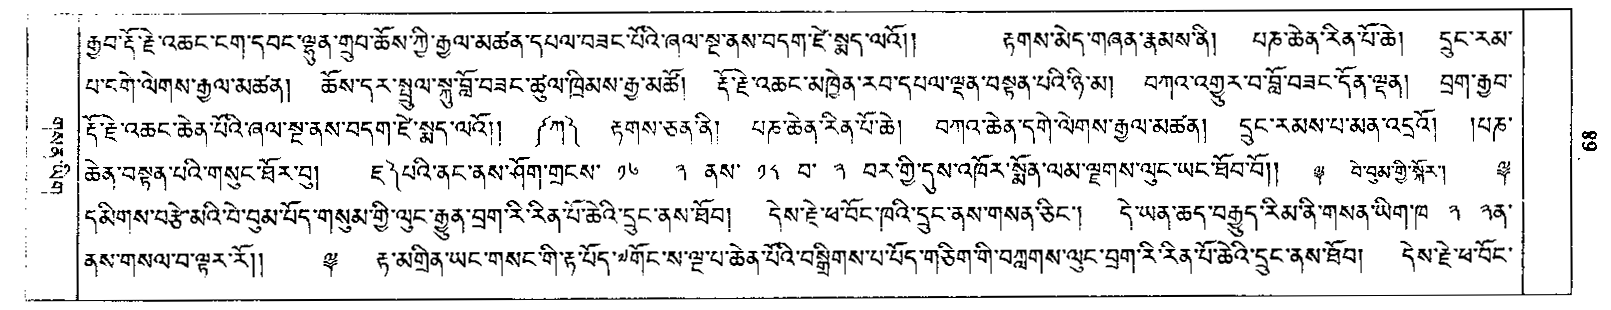རྒྱབ་རྡོ་རྗེ་འཆང་ངག་དབང་ལྷུན་གྲུབ་ཆོས་ཀྱི་རྒྱལ་མཚན་དཔལ་བཟང་པོའི་ཞལ་སྔ་ནས་བདག་ཛེ་སྨད་ལའོ།། རྟགས་མེད་གཞན་རྣམས་ནི། པཎ་ཆེན་རིན་པོ་ཆེ། དྲུང་རམ་
པ་དགེ་ལེགས་རྒྱལ་མཚན། ཆོས་དར་སྤྲུལ་སྐུ་བློ་བཟང་ཚུལ་ཁྲིམས་རྒྱ་མཚོ། རྡོ་རྗེ་འཆང་མཁྱེན་རབ་དཔལ་ལྡན་བསྟན་པའི་ཉི་མ། བཀའ་འགྱུར་བ་བློ་བཟང་དོན་ལྡན། བྲག་རྒྱབ་
རྡོ་རྗེ་འཆང་ཆེན་པོའི་ཞལ་སྔ་ནས་བདག་ཛེ་སྨད་ལའོ།། ?ཀ་རྟགས་ཅན་ནི། པཎ་ཆེན་རིན་པོ་ཆེ། བཀའ་ཆེན་དགེ་ལེགས་རྒྱལ་མཚན། དྲུང་རམས་པ་མན་འདྲའོ། །པཎ་
ཆེན་བསྟན་པའི་གསུང་ཐོར་བུ། ཇ་པའི་ནང་ནས་ཤོག་གྲངས ༡༦ ༢་ནས ༡༨་བ ༢་བར་གྱི་དུས་འཁོར་སྨོན་ལམ་ལྗགས་ལུང་ཡང་ཐོབ་བོ།། ༈ བེ་བུམ་གྱི་སྐོར། ༈
དམིགས་བརྩེ་མའི་བེ་བུམ་པོད་གསུམ་གྱི་ལུང་རྒྱུན་བྲག་རི་རིན་པོ་ཆེའི་དྲུང་ནས་ཐོབ། དེས་རྗེ་ཕ་བོང་ཁའི་དྲུང་ནས་གསན་ཅིང་། དེ་ཡན་ཆད་བརྒྱུད་རིམ་ནི་གསན་ཡིག་ཁ ༢ ༢་ན་
ནས་གསལ་བ་ལྟར་རོ།། ༈ རྟ་མགྲིན་ཡང་གསང་གི་རྟ་པོད་༧་གོང་ས་ལྔ་པ་ཆེན་པོའི་བསྒྲིགས་པ་པོད་གཅིག་གི་བཀླགས་ལུང་བྲག་རི་རིན་པོ་ཆེའི་དྲུང་ནས་ཐོབ། དེས་རྗེ་ཕ་བོང་